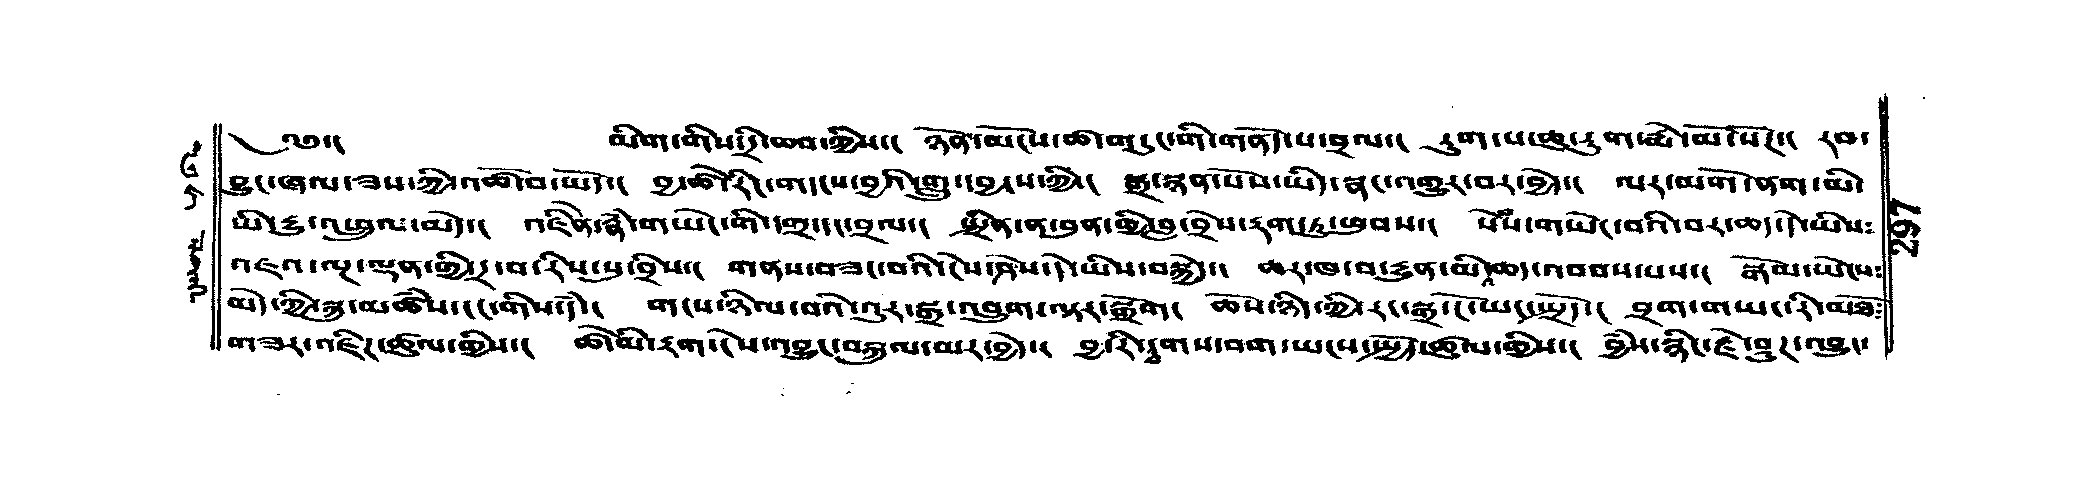མིག་གིས་དྲི་ཆབ་ཀྱིས། །ཉོན་མོངས་ཚ་གདུང་གི་གནོད་པ་བྲལ། །རུག་པ་ཆུ་རུག་རྨེ་མོ་སོགས། །རབ་
བྱུང་ཞལ་ཟས་ཀྱི་འཚོ་བ་ཡོད། །བྱ་ཚེ་རིང་གདངས་བྱའི་གླུ་དབྱངས་ཀྱི། །སྒྲ་སྙན་པོས་ཡིད་སྣང་འགྱུར་བར་བྱེད། །ལར་མགོ་ནག་མི་
ཡི་རྒྱུ་འཕྲུལ་མེད། །འཇིག་རྟེན་རྣམ་གཡེང་གི་དགྲ་དང་བྲལ། །སྤྲིན་ན་བུན་གྱི་བླ་བྲེས་རྟག་ཏུ་ཕུབས། །སེམས་གཡེང་བའི་བར་ཆད་དེ་ཡིས་
འཇའ་ལྔ་ལྡན་གྱི་དྲྭ་བ་རིས་སུ་བྲིས། །གནས་བཟང་བའི་ངེས་ཤེས་དེ་ཡིས་བསྐྱེད། །ཆར་ཁ་བ་རྒྱུན་མི་ཆད་འབབས་པས། །སྒོམ་ཡེངས་
མེད་ཀྱི་སྐུ་མཚམས་ངང་གིས་དམ། །གངས་ཉིལ་བའི་འུར་སྒྲ་འབྲུག་ལྟར་སྒྲོག །ཆོས་ཉིད་ཀྱི་རང་སྒྲ་ངོ་ཡང་སྤྲོད། །བྲག་གཡང་རི་མཐོ་
གཟར་འཇིགས་ཚུལ་གྱིས། །ཚེ་མི་རྟག་ངེས་འབྱུང་བསྐུལ་མར་བྱེད། །བྱ་རི་དྭགས་བག་ཡངས་སྤྱོད་ཚུལ་གྱིས། །བྱམས་སྙིང་རྗེ་ཤུགས་འབྱུང་